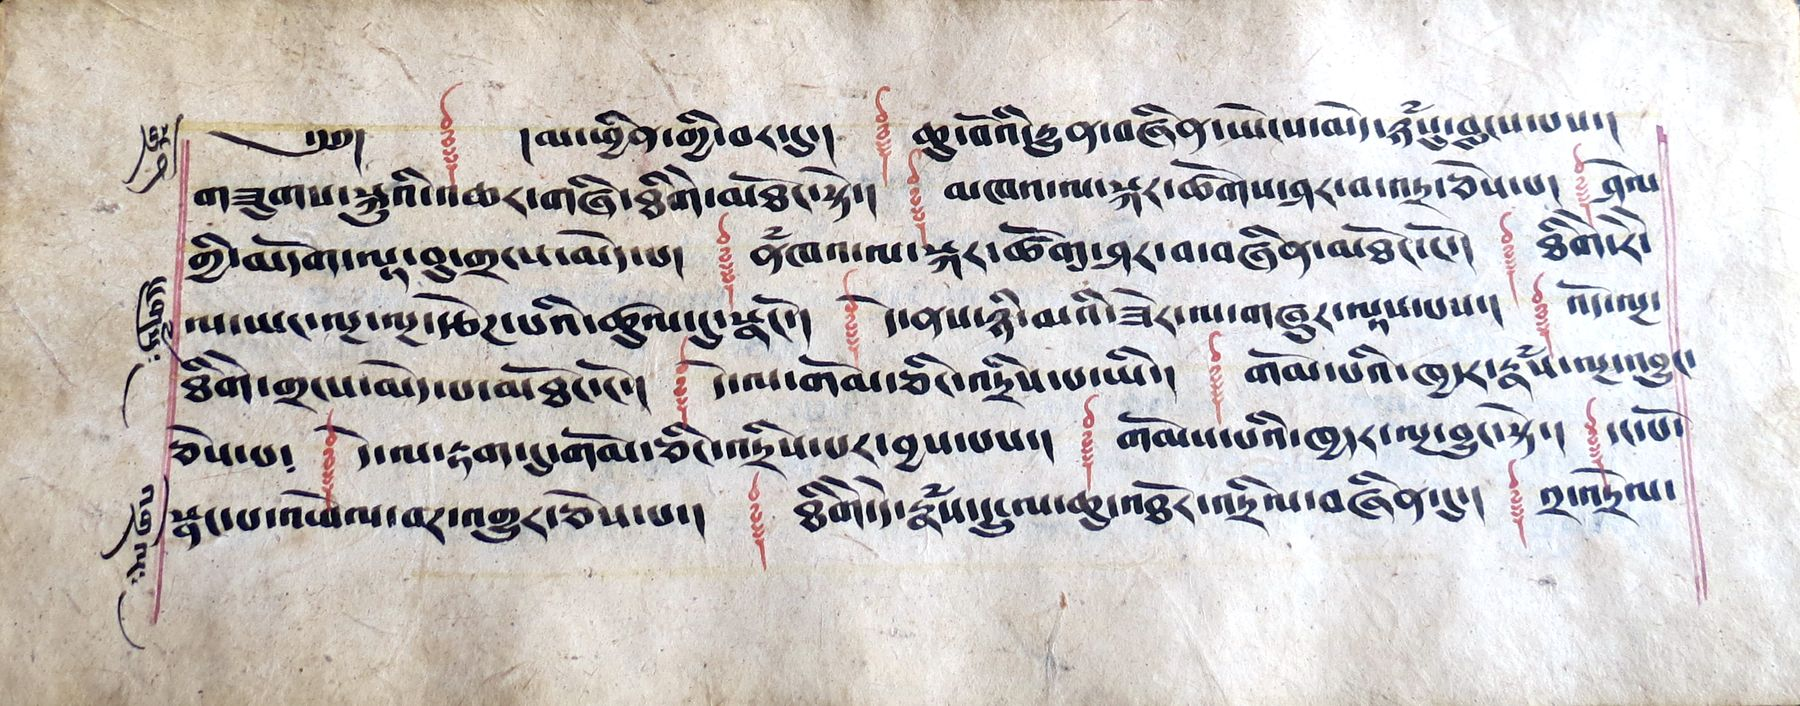མ་ཕྱིན་གྱི་བར་དུ། ཆུ་བོའི་རྒྱུན་བཞིན་ཡེངས་མེད་དུ་ཉམས་སུ་བླངས་པས། 
གཟུགས་སྐུའི་འཆར་གཞི་ཐིག་ལེ་མཐོང་སྟེ། མཁའ་ལ་སྐར་ཚོགས་ཤར་བ་འདྲ། །ཞེས་པས། ཤེལ་
གྱི་མདོག་ལྟ་བུ་གྲངས་མེད་པ། ནམ་མཁའ་ལ་སྐར་ཚོགས་ཤར་བ་བཞིན་མཐོང་ངོ་། །ཐིག་ལེ་རེ་རེ་
ལ་ཡང་ལྔ་ལྔ་བརྩེགས་པའི་ཚུལ་དུ་སྣང་ངོ་། །དེ་ནས་ཉི་མའི་ཟེར་ལ་གཞུར་{གཞོལ}བལྟས་པས། འོད་ལྔ་
ཐིག་ལེ་གྲངས་མེད་པ་མཐོང་ངོ་། །དེ་ལ་གོམས་ཤིང་འདྲིས་པ་ཡིས། གོམས་པའི་ཁྱད་པར་རྣམ་ལྔ་འབྱུང་། །
ཞེས་པས། དེ་ལ་རྟག་ཏུ་གོམས་ཅིང་འདྲིས་པར་བྱས་པས། གོམས་པའི་ཁྱད་པར་ལྔ་བྱུང་སྟེ། དང་པོ་
སྣང་བ་འཕེལ་བར་འགྱུར། །ཞེས་པས། ཐིག་ལེ་དེ་རྣམས་དངུལ་ཆུ་འཐོར་འདྲིལ་བཞིན་དུ། གཉིས་འབྲེལ་